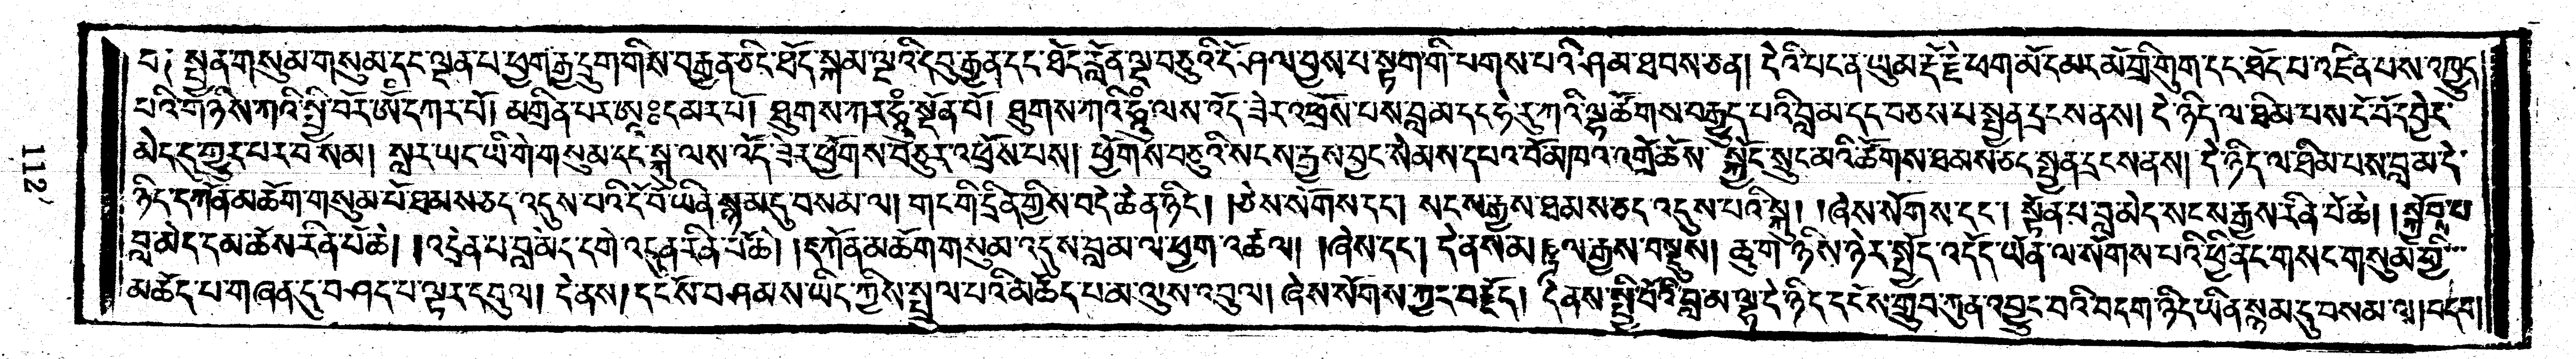བ། སྤྱན་གསུམ་གསུམ་དང་ལྡན་པ་ཕྱག་རྒྱ་དྲུག་གིས་བརྒྱན་ཅིང་ཐོད་སྐམ་ལྔའི་དབུ་རྒྱན་དང་ཐོད་རློན་ལྔ་བཅུའི་དོ་ཤལ་བྱས་པ་སྟག་གི་པགས་པའི་ཤམ་ཐབས་ཅན། དེའི་པང་ན་ཡུམ་རྡོ་རྗེ་ཕག་མོ་དམར་མོ་གྲི་གུག་དང་ཐོད་པ་འཛིན་པས་འཁྱུད་
པའི་གཉིས་ཀའི་སྤྱི་བོར་ཨོཾ་དཀར་པོ། མགྲིན་པར་ཨཱཿ དམར་པོ། ཐུགས་ཀར་ཧཱུཾ་སྡོན་པོ། ཐུགས་ཀའི་ཧཱུཾ་ལས་འོད་ཟེར་འཕྲོས་པས་བླ་མ་དང་ཧེ་རུ་ཀའི་ལྷ་ཚོགས་བརྒྱུད་པའི་བླ་མ་དང་བཅས་པ་སྤྱན་དྲངས་ནས། དེ་ཉིད་ལ་ཐིམ་པས་ངོ་བོ་དབྱེར་
མེད་དུ་གྱུར་པར་བསམ། སླར་ཡང་ཡི་གེ་གསུམ་དང་སྐུ་ལས་འོད་ཟེར་ཕྱོགས་བཅུར་འཕྲོས་པས། ཕྱོགས་བཅུའི་སངས་རྒྱས་བྱང་སེམས་དཔའ་བོ་མཁའ་འགྲོ་ཆོས་སྐྱོང་སྲུང་མའི་ཚོགས་ཐམས་ཅད་སྤྱན་དྲངས་ནས། དེ་ཉིད་ལ་ཐིམ་པས་བླ་མ་དེ་
ཉིད་དཀོན་མཆོག་གསུམ་པོ་ཐམས་ཅད་འདུས་པའི་དོ་བོ་ཡིན་སྙམ་དུ་བསམ་ལ། གང་གི་དྲིན་གྱིས་བདེ་ཆེན་ཉིད། །ཅེས་སོགས་དང་། སངས་རྒྱས་ཐམས་ཅད་འདུས་པའི་སྐུ། །ཞེས་སོགས་དང་། སྟོན་པ་བླ་མེད་སངས་རྒྱས་རིན་པོ་ཆེ། །སྐྱོབས་པ་
བླ་མེད་དམ་ཆོས་རིན་པོ་ཆེ། །འདྲེན་པ་བླ་མེད་དགེ་འདུན་རིན་པོ་ཆེ། །དཀོན་མཆོག་གསུམ་འདུས་བླ་མ་ལ་ཕྱག་འཚལ། །ཞེས་དང་། དེ་ནས་མཎྜལ་རྒྱས་བསྡུས། ཆུ་གཉིས་ཉེར་སྤྱོད་འདོད་ཡོན་ལ་སོགས་པའི་ཕྱི་ནང་གསང་གསུམ་གྱི་
མཆོད་པ་གཞན་དུ་བཤད་པ་ལྟར་དབུལ། དེ་ནས། དངོས་བཤམས་ཡིད་ཀྱིས་སྤྲུལ་པའི་མཆོད་པ་མ་ལུས་འབུལ། ཞེས་སོགས་ཀྱང་བརྗོད། དེ་ནས་སྤྱི་བོའི་བླ་མ་ལྷ་དེ་ཉིད་དངོས་གྲུབ་ཀུན་འབྱུང་བའི་བདག་ཉིད་ཡིན་སྙམ་དུ་བསམ་ལ། བདབ།